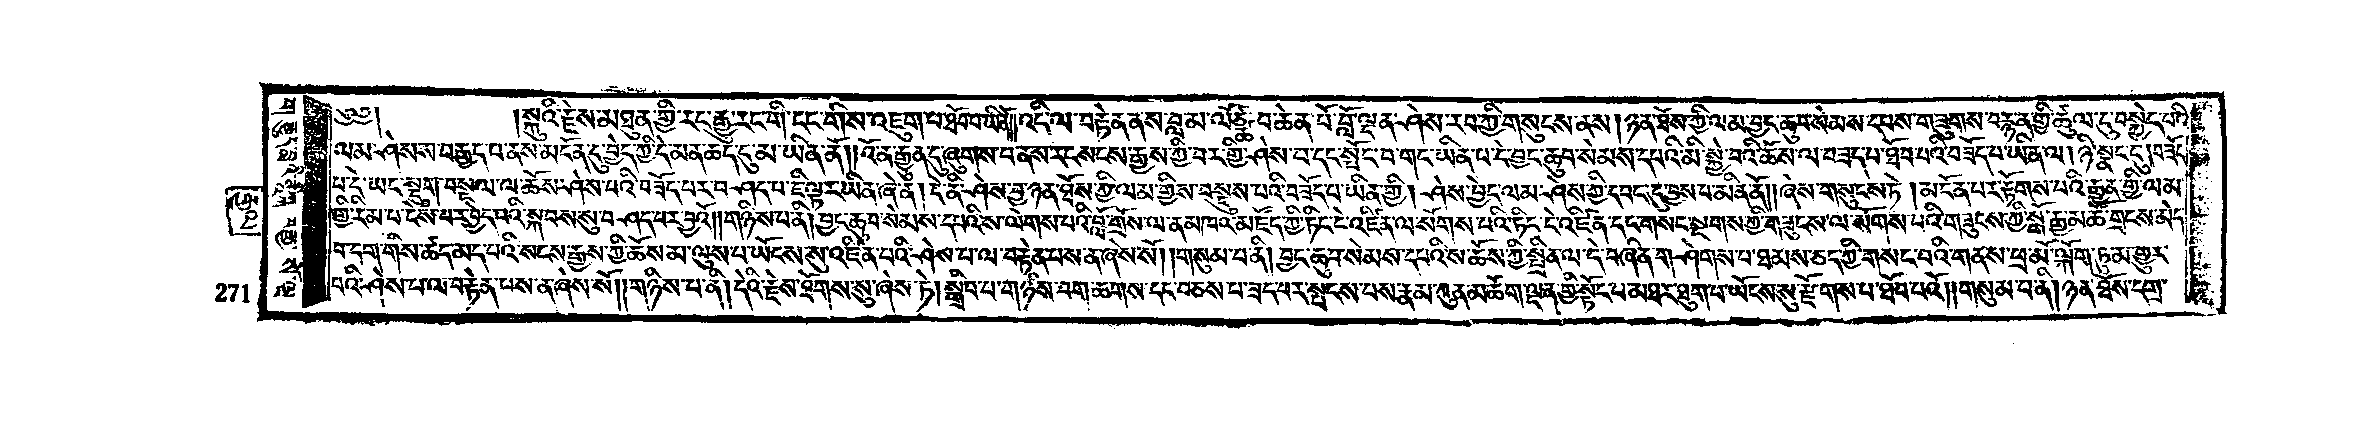༄༅། །སྐུའི་རྗེས་མཐུན་གྱི་རང་རྒྱུ་རང་གི་ངང་གིས་འཇུག་པ་ཐོབ་པ་ཡིན་ནོ། །འདི་ལ་བརྟེན་ནས་བླ་མ་ལོ་ཙྪ་བ་ཆེན་པོ་བློ་ལྡན་ཤེས་རབ་ཀྱི་གསུངས་ནས། ཉན་ཐོས་ཀྱི་ལམ་བྱང་ཆུབ་སེམས་དཔས་གཟུགས་བརྙན་གྱི་ཚུལ་དུ་བསྐྱེད་པའི་
ལམ་ཤེས་ས་བརྒྱད་པ་ནས་མངོན་དུ་བྱེད་ཀྱི་དེ་མན་ཆད་དུ་མ་ཡིན་ནོ། །འོ་ན་རྒྱུན་དུ་ཞུགས་པ་ནས་རང་སངས་རྒྱས་ཀྱི་བར་གྱི་ཤེས་པ་དང་སྤོང་བ་གང་ཡིན་པ་དེ་བྱང་ཆུབ་སེམས་དཔའི་མི་སྐྱེ་བའི་ཆོས་ལ་བཟད་པ་ཐོབ་པའི་བཟོད་པ་ཡིན་ལ། ཉི་སྣང་དུ། བཟོད་
པ་དེ་ཡང་སྡུག་བསྔལ་ལ་ཆོས་ཤེས་པའི་བཟོད་པར་བཤད་པ་ཇི་ལྟར་ཡིན་ཞེ་ན། དེ་ནི་ཤེས་བྱ་ཉན་ཐོས་ཀྱི་ལམ་གྱིས་བསྡུས་པའི་བཟོད་པ་ཡིན་གྱི་།ཤེས་བྱེད་ལམ་ཤེས་ཀྱི་དབང་དུ་བྱས་པ་མིན་ནོ། །ཞེས་གསུངས་ཏེ། མངོན་པར་རྟོགས་པའི་རྒྱུན་གྱི་ལམ་
གྱི་རིམ་པ་ངེས་པར་བྱེད་པའི་སྐབས་སུ་བཤད་པར་བྱའོ། །གཉིས་པ་ནི། བྱང་ཆུབ་སེམས་དཔའ་ས་ལེགས་པའི་བློ་གྲོས་ལ་ནམ་མཁའ་མཛོད་ཀྱི་ཏིང་ངེ་འཛིན་ལ་སོགས་པའི་ཏིང་ངེ་འཛིན་དང་གསང་སྔགས་ཀྱི་གཟུངས་ལ་སོགས་པའི་གཟུངས་ཀྱི་སྒོ་རྒྱ་མཚོ་གྲངས་མེད་
པ་དག་གིས་ཚད་མེད་པའི་སངས་རྒྱས་ཀྱི་ཆོས་མ་ལུས་པ་ཡོངས་སུ་འཛིན་པའི་ཤེས་པ་ལ་བརྟེན་པས་ན་ཞེས་སོ། །གསུམ་པ་ནི། བྱང་ཆུབ་སེམས་དཔའི་ས་ཆོས་ཀྱི་སྤྲིན་ལ་དེ་བཞིན་གཤེགས་པ་ཐམས་ཅད་ཀྱི་གསང་བའི་གནས་ཕྲ་མོ་ལྐོག་ཏུ་མ་གྱུར་
པའི་ཤེས་པ་ལ་བརྟེན་པས་ན་ཞེས་སོ། །གཉིས་པ་ནི། དེའི་རྗེས་ཐོགས་སུ་ཞེས་ཏེ། སྒྲིབ་པ་གཉིས་བག་ཆགས་དང་བཅས་པ་ཟད་པར་སྤངས་པས་རྣམ་ཀུན་མཆོག་ལྡན་གྱི་སྟོང་པ་མཐར་ཐུག་པ་ཡོངས་སུ་རྫོགས་པ་ཐོབ་པའོ། །གསུམ་པ་ནི། ཉན་ཐོས་དགྲ་